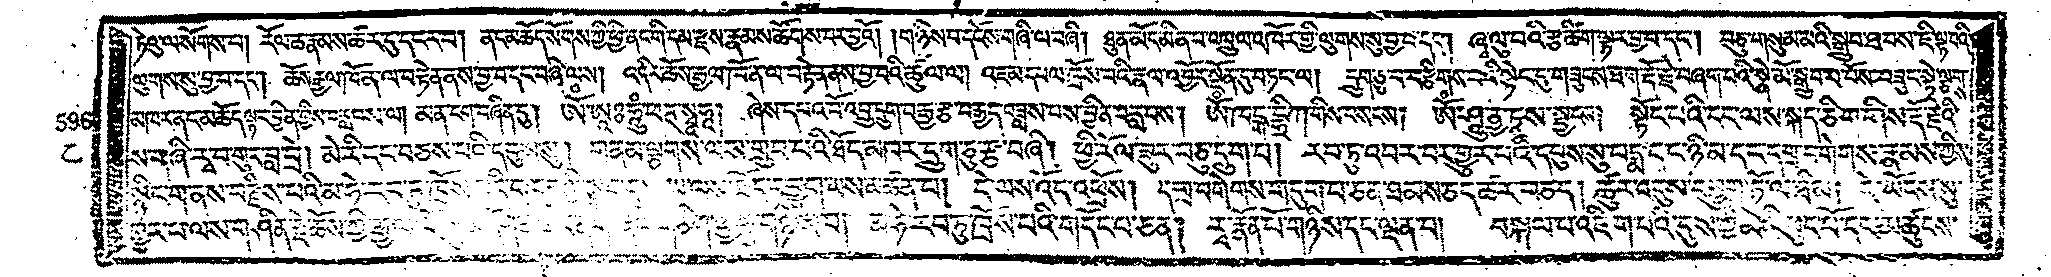ཏེའུ་ལ་སོགས་པ། རོལ་ཆ་རྣམས་ཚར་དུ་དང་ར་བ། ནང་མཆོད་སོགས་ཀྱི་ཕྱི་ནང་གི་དམ་རྫས་རྣམས་ཚོགས་པར་བྱའོ། །གཉིས་པ་དངོས་གཞི་ལ་བཞི། ཐུན་མོང་མིན་པ་འཁྲུལ་འཁོར་གྱི་ལུགས་སུ་བྱ་བ་དང་། ཞྭ་ལུ་བའི་རྩ་ཚིག་ལྟར་བྱ་བ་དང་། བཅུ་གསུམ་མའི་སྒྲུབ་ཐབས་ཇི་ལྟ་བའི་
ལུགས་སུ་བྱ་བ་དང་། ཆོས་རྒྱལ་ཁོ་ན་ལ་བརྟེན་ནས་བྱ་བ་དང་བཞི་ལས། འདིར་ཆོས་རྒྱལ་ཁོ་ན་ལ་བརྟེན་ནས་བྱ་བའི་ཚུལ་ལ། འཇམ་དཔལ་ཁྲོས་པའི་རྣལ་འབྱོར་སྔོན་དུ་བཏང་ལ། དྲུག་ཅུ་བ་བརྩིགས་བའི་སྟེང་དུ་གཟུངས་ཐག་རྡོ་རྗེ་བཞག་པའི་སྣེ་མོ་སྒྲུབ་པ་པོས་བཟུང་སྟེ་ལྕགས་
མཁར་ནང་མཆོད་ལྟར་བྱིན་གྱིས་བརླབས་ལ། མན་ངག་བཞིན་དུ། ཨོཾ་ཨཱཿ ཧཱུཾ་ཕཊ་སྭཱཧཱ། ཞེས་དཔའ་བོ་འབྲུ་དྲུག་བརྒྱ་རྩ་བརྒྱད་བཟླས་པས་བྱིན་བརླབས། ཨོཾ་ཁངྒ་དྷྲིཀ་གིས་བསངས། ཨོཾ་ཤཱུ་ནྱ་ཏཱས་སྦྱངས། སྟོང་པའི་ངང་ལས་སྐད་ཅིག་གིས་རྡོ་རྗེའི་
ས་གཞི་རྭ་བ་གུར་བླ་བྲེ། མེ་རི་དང་བཅས་པའི་དབུས་སུ། གནམ་ལྕགས་ལས་གྲུབ་པའི་ཐོད་མཁར་དྲུག་ཅུ་རྩ་བཞི། ཕྱི་རོལ་ཟུར་བཅུ་དྲུག་པ། རབ་ཏུ་འབར་བར་གྱུར་པའི་དབུས་སུ་པདམ་དང་ཉི་མ་དང་དགྲ་བགེགས་རྣམས་ཀྱིས་
སྙིང་གནས་བརྫིས་པའི་མ་ཧེ་རབ་ཏུ་ཁྲོས་པའི་གདན་གྱི་སྟེང་དུ། ཡ་ལས་ཐོད་དབྱུག་ཡས་མཚན་པ། དེ་ལས་འོད་འཕྲོས། དགྲ་བགེགས་གདུག་པ་ཅན་ཐམས་ཅད་ཚར་བཅད། ཚུར་འདུས་དབྱུག་ཏོ་ལ་ཐིམ། དེ་ཡོངས་སུ་
གྱུར་པ་ལས་གཤིན་རྗེ་ཆོས་ཀྱི་རྒྱལ་པོ་སྐུ་མདོག་མཐིང་ནག་ཞལ་གཅིག་ཕྱག་གཉིས་པ། མ་ཧེ་རབ་ཏུ་ཁྲོས་པའི་གདོང་པ་ཅན། རྭ་རྣོན་པོ་གཉིས་དང་ལྡན་པ། བསྐལ་པ་འཇིག་པའི་དུས་ཀྱི་མེའི་ཕུང་པོ་དང་མཚུངས་